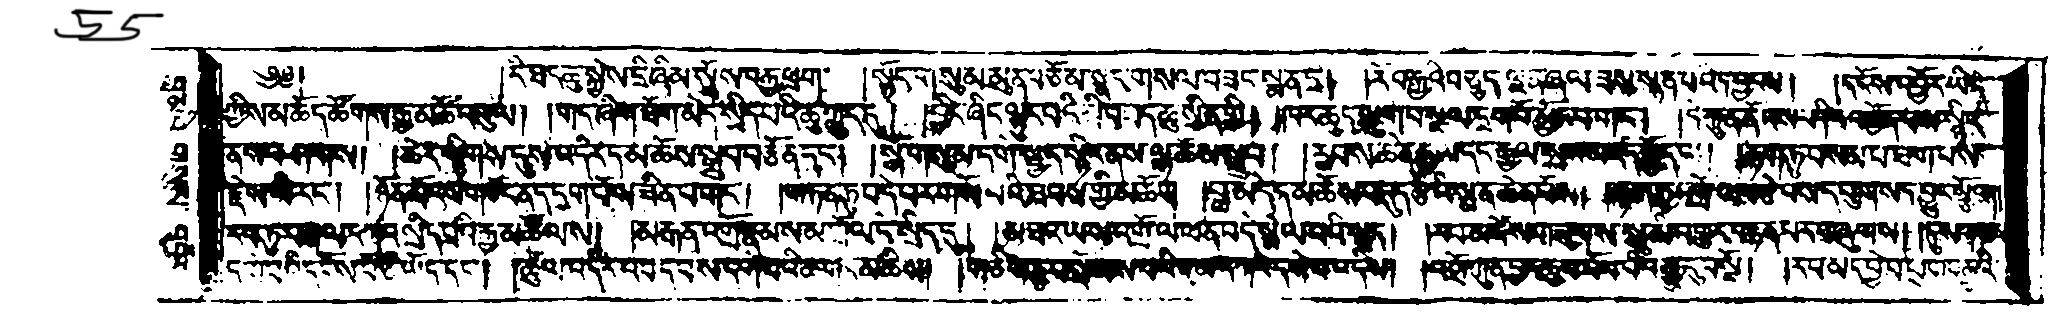༄༅། །རི་ཐང་ཆུ་སྐྱེས་དྲི་ཞིམ་སྤོས་བརྒྱ་ཕྲག །སྟོང་གསུམ་མུན་བཅོམ་སྣང་གསལ་བཟང་སྨན་དྲི། །རོ་བརྒྱའི་བཅུད་ལྡན་ཞལ་ཟས་སྙན་པའི་དབྱངས། །དངོས་འབྱོར་ཡིད་
ཀྱིས་མཆོད་ཚོགས་རྒྱ་མཚོ་འབུལ། །གང་ཞིག་ཐོག་མེད་སྲིད་པའི་ཆུ་ཀླུང་དུ། །བྱིང་ཞིང་ལྟུང་བའི་མི་བཟད་ཆུ་སྲིན་གྱི། །ཁར་ཆུད་སྡུག་བསྔལ་དྲག་པོ་མྱོང་བ་གང་། །དེ་ཀུན་ནོངས་ཤིང་འགྱོད་པས་སྙིང་
ནས་བཤགས། །ཆེར་སྙིགས་དུས་འདིར་དམ་ཆོས་སྒྲུབ་བརྩོན་དང་། །སྒོ་གསུམ་དགེ་སྤྱད་སྙིང་ནས་ལྷ་ཆོས་སྒྲུབ། །རླབས་ཆེན་རྒྱལ་དང་རྒྱལ་སྲས་མཛད་སྤྱོད་ལ། །རྟག་ཏུ་བསམ་པ་ཐག་པས་
རྗེས་ཡི་རང་། །ཉོན་མོངས་གཅོང་ནད་དྲག་པོས་ཟིན་པ་གང་། །གཏན་ཏུ་བདེ་བར་གསོ་པའི་ཐབས་གྱི་མཆོག །བླ་མེད་དམ་ཆོས་བདུད་རྩིའི་སྨན་ཆེན་པོས། །རྟག་ཏུ་འགྲོ་ལ་བརྩེ་བས་དབུགས་དབྱུང་སྩོལ། །
རབ་ཏུ་བརྒལ་དཀའ་སྲིད་བའི་རྒྱ་མཚོ་ལས། །མ་རྒན་འགྲོ་རྣམས་མ་གྲོལ་དེ་སྲིད་དུ། །མཐའ་ཡས་འགྲོ་ལ་ཕན་བདེ་སྤེལ་པའི་སླད། །རབ་མཛེས་གཟུགས་སྐུ་མི་འགྱུར་བརྟན་པར་བཞུགས། །དུས་གསུམ་
དགེ་བའི་དངོས་པོ་ཅི་ཡོད་དང་། །ཚུལ་འདིར་འབད་བས་དགེ་པའི་ཆ་གང་མཆིས། །གཅིག་ཏུ་བསྡོམས་པའི་རྣམ་དཀར་དགེ་བ་འདིས། །འགྲོ་ཀུན་བྱང་ཆུབ་ཐོབ་པའི་རྒྱུ་རུ་བསྔོ། །རབ་མང་བྱེ་བ་ཕྲག་བརྒྱའི་